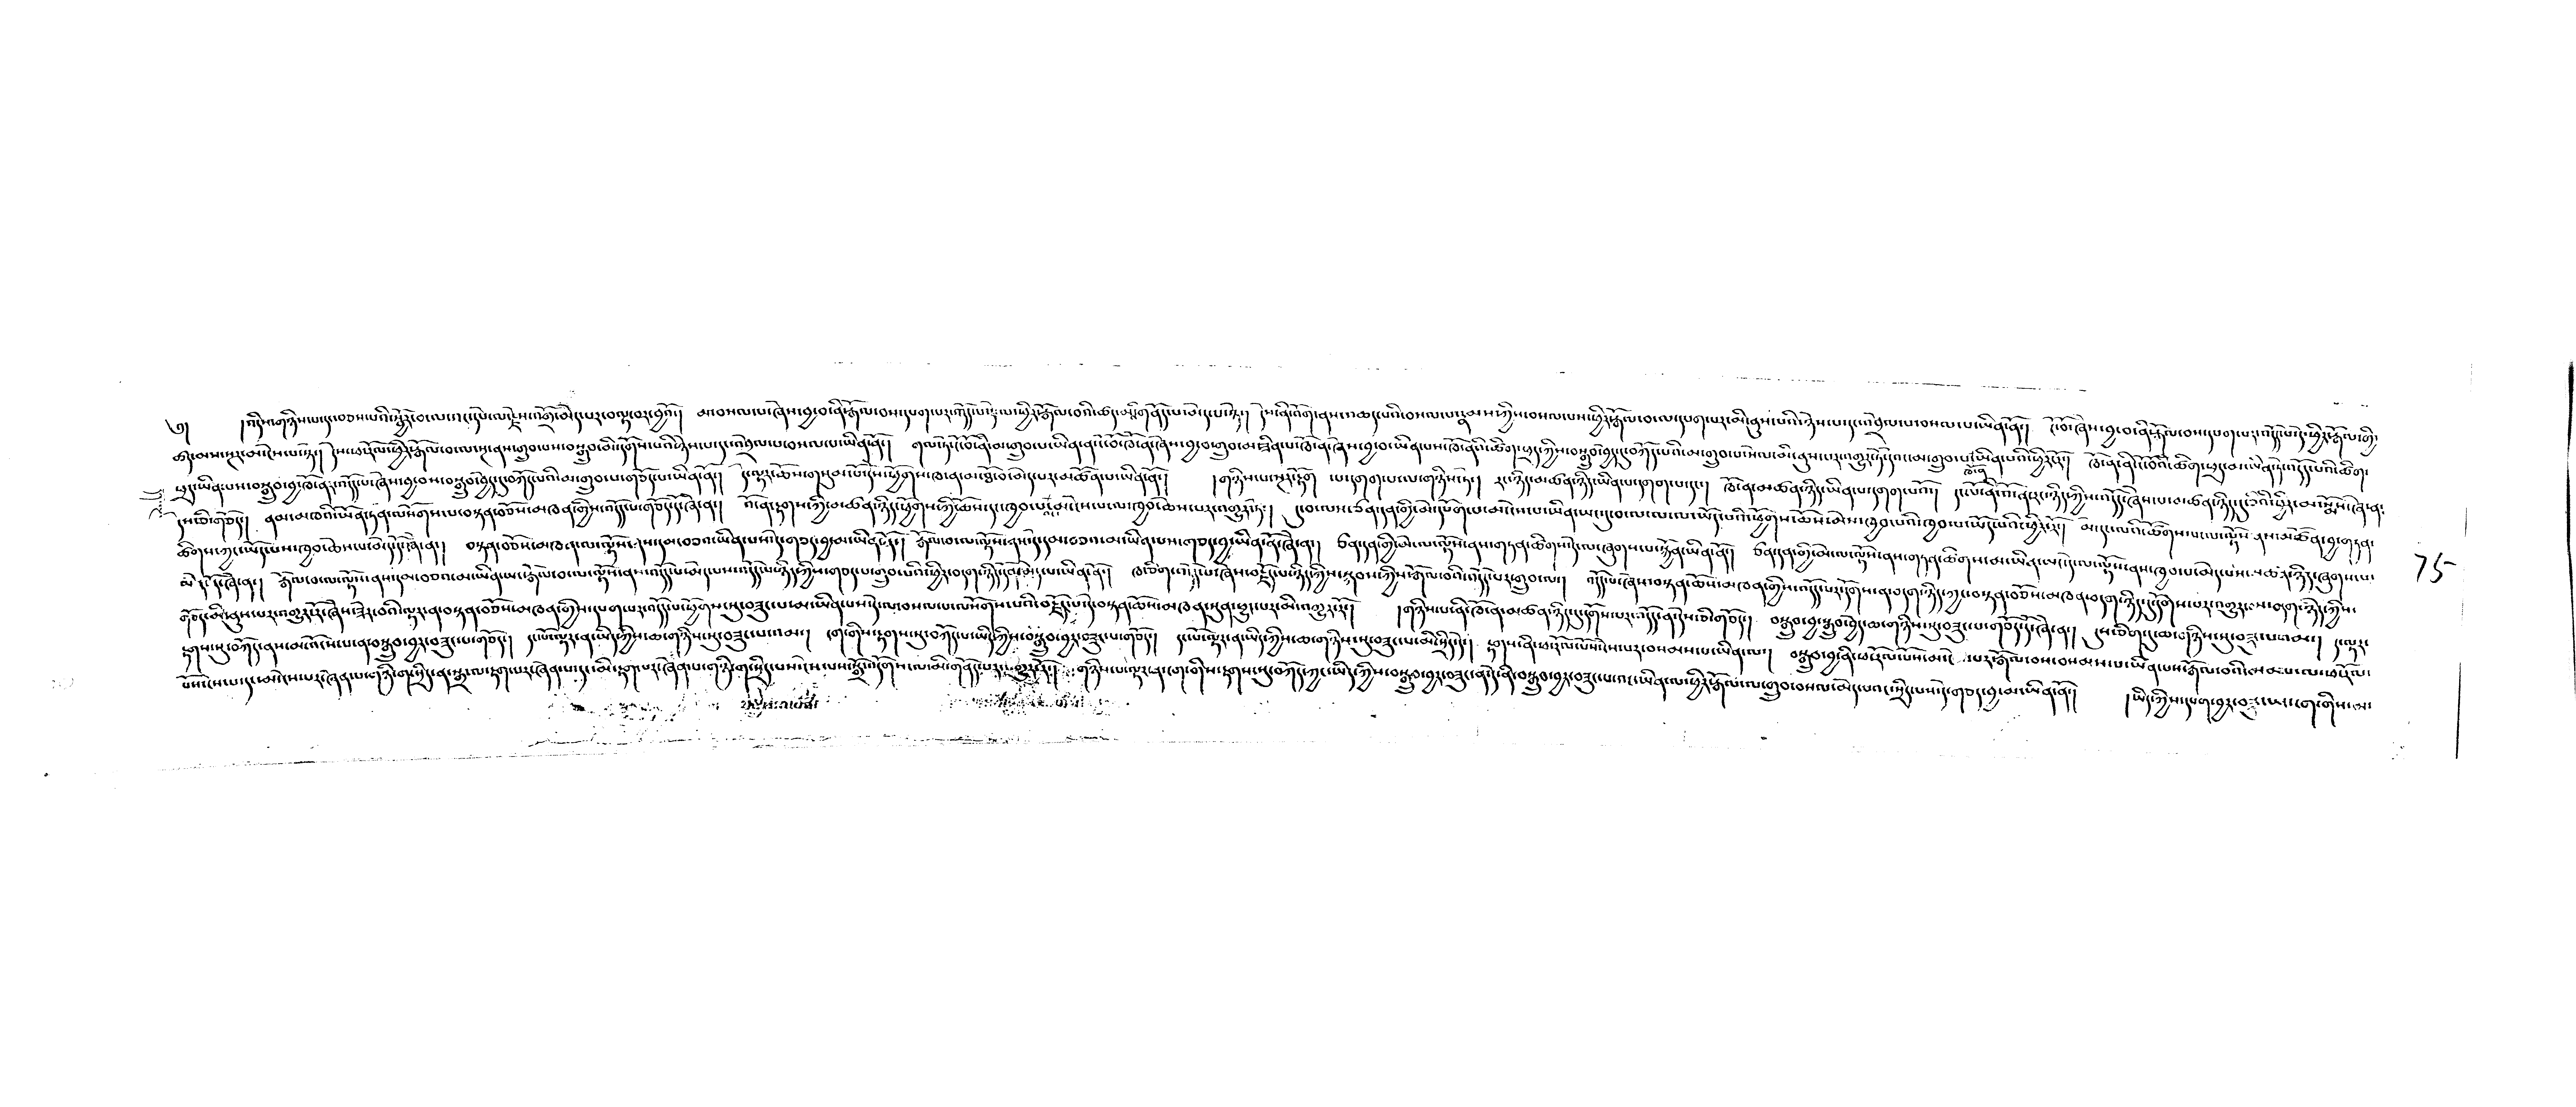༈། །འདིས་གཉིས་པ་དང་བཅས་པའི་སྦྱོར་བ་ལ་འང་དཔེ་ལ་རྗེས་འགྲོ་མེད་པར་བལྟ་བར་བྱའོ། མ་བསལ་པ་ཞེས་བྱ་བ་ནི་རྒོལ་བས་དཔག་པར་འདོད་པ་དེ་ལ་ཕྱིར་རྒོལ་བའི་ཚད་མི་གནོད་པ་མེད་པ་སྟེ། དེས་ནི་འོག་ནས་འཆད་པའི་བསལ་པ་རྣམས་ཀྱིས་བསལ་པས་ཕྱིར་རྒོལ་བ་ལ་དཔག་པར་མི་ནུས་པའི་ཉེས་པ་དང་འབྲེལ་པ་བསལ་པ་ཡིན་ནོ། ངོ་བོ་ཞེས་བྱ་བ་ནི་རྒོལ་བས་དཔག་པར་འདོད་པ་དེ་ཕྱིར་རྒོལ་གྱི་
ཚད་མས་སྔར་མ་ངེས་པ་སྟེ། དེས་ཕ་རོལ་ཕྱིར་རྒོལ་བ་ལ་སྔ་ནས་གྲུབ་པས་བསྒྲུབ་མི་དགོས་པའི་ཉེས་པ་དང་འབྲེལ་པ་བསལ་པ་ཡིན་ནོ། གལ་ཏེ་ངོ་བོ་ནི་མ་གྲུབ་པ་ཡིན་ན་ངོ་བོ་ཁོ་ན་ཞེས་བྱ་བ་གྲུབ་མ་ཟིན་པ་ཁོ་ན་ཞེས་བྱ་བ་ཡིན་པས་ཁོ་ནའི་ཚིག་ཕྲད་ཀྱིས་བསྒྲུབ་བྱེད་དུ་བཀོད་པའི་མ་གྲུབ་པ་སེལ་མི་ནུས་པར་འགྱུར་ཏེ་དེའང་མ་གྲུབ་པ་ཁོ་ན་ཡིན་པའི་ཕྱིར་རོ། ཁོ་ན་ནི་ངོ་བོའི་ཚིག་ཕྲད་མ་ཡིན་ཏེ་འདོད་པའི་ཚིག་
ཕྲད་ཡིན་པས་བསྒྲུབ་བྱ་ཁོ་ནར་འདོད་པ་ཞེས་བྱ་བས་བསྒྲུབ་བྱེད་དུ་བཀོད་པའི་མ་གྲུབ་པ་གཅོད་པ་ཡིན་ནོ། དེ་ལྟར་ཆོས་གསུམ་པོ་དེས་ཕྱོགས་ཁ་ན་མ་ཐོ་བ་མེད་པར་མཚོན་པ་ཡིན་ནོ། །གཉིས་པ་སྔར་རྟོག་པ་དགག་པ་ལ་གཉིས་ཏེ། རང་ཉིད་མཚན་ཉིད་ཡིན་པ་དགག་པ་དང་། ཁོ་ན་མཚན་ཉིད་ཡིན་པ་དགག་པའོ། དང་པོ་ནི་འོ་ན་རང་ཉིད་ཀྱིས་འདོད་ཞེས་པ་མཚན་ཉིད་དུ་བའི་ཕྱིར་མ་སྨོས་ཞེ་ན་
དེས་ཅི་གཅོད། ནམ་མཁའི་ཡོན་ཏན་ལ་སོགས་པ་བསྟན་བཅོས་མཁན་གྱིས་འདོད་པ་གཅོད་དོ་ཞེ་ན། འོ་ན་རྟགས་ཀྱི་མཚན་ཉིད་ཕྱོགས་ཀྱི་ཆོས་དང་ཁྱབ་པ་ལ་མ་ངེས་པ་ལ་ཁྱབ་ཆེས་པར་འགྱུར་ཏེ། དུ་བ་ལས་ཙན་དན་གྱི་མེ་དཔོག་པ་མ་ངེས་པ་ཡིན་ཡང་དུ་བ་ལ་ལ་ལ་ཡོད་པའི་ཕྱོགས་ཆོས་མེས་ཁྱབ་པའི་ཁྱབ་པ་ཡོད་པའི་ཕྱིར་རོ། མེ་དང་ལའི་ཚོགས་པ་ལ་ལྟོས་ནས་མཚོན་བྱ་གཏན་
ཚིགས་ཀྱང་ཡོད་པས་ཁྱབ་ཆེས་པ་མེད་དོ་ཞེ་ན། བསྟན་བཅོས་མཁན་ལ་ལྟོས་ནས་དམ་བཅའ་ཡིན་པས་དེ་གཅད་བྱ་མ་ཡིན་ནོ། རྒོལ་བ་ལ་ལྟོས་ནས་དེ་དམ་བཅའ་མ་ཡིན་པས་གཅད་བྱ་ཡིན་ནོ་ཞེ་ན། ཙན་དན་གྱི་མེ་ལ་ལྟོས་ནས་གཏན་ཚིགས་དེ་ལ་ཞུགས་པ་སྐྱོན་ཡིན་ནོ། ཙན་དན་གྱི་མེ་ལ་ལྟོས་ནས་གཏན་ཚིགས་མ་ཡིན་ཡང་དེ་ལ་ལྟོས་ནས་ཁྱབ་པ་མེད་པས་མཚན་ཉིད་ཞུགས་པ་
མེད་དོ་ཞེ་ན། རྒོལ་བ་ལ་ལྟོས་ནས་དམ་བཅའ་མ་ཡིན་ཡང་རྒོལ་བ་ལ་ལྟོས་ནས་འདོད་པ་མེད་པས་འདོད་པ་ཉིད་ཀྱིས་གཅད་པ་གྲུབ་པའི་ཕྱིར་བདག་ཉིད་དོན་མེད་པ་ཡིན་ནོ། ཁ་ཅིག་འདོད་པ་ཞེས་བརྗོད་པ་ཉིད་ཀྱིས་སྐབས་ཀྱིས་རྒོལ་བའི་འདོད་པར་གྲུབ་ལ། འདོད་པ་ཞེས་བསྟན་ཆོས་མཁན་གྱིས་འདོད་པར་དོགས་ན་བདག་ཉིད་ཀྱང་བསྟན་བཅོས་མཁན་བདག་ཉིད་དུ་དོགས་པར་འགྱུར་བས་བདག་ཉིད་ཀྱིས་
གཅོད་མི་ནུས་པར་འགྱུར་རོ་ཞེས་ཟེར་བའི་ལྟར་ན་བསྟན་བཅོས་མཁན་གྱིས་དཔག་པར་འདོད་པ་ཕྱོགས་སུ་བཟུང་པ་མ་ཡིན་པས་དེ་ལ་བསལ་པ་ལ་སོགས་པའི་བརྗོད་པ་དེ་བསྟན་ཆོས་མཁན་སུན་ཕྱུང་པར་མི་འགྱུར་རོ། །གཉིས་པ་ནི་ཁོ་ན་མཚན་ཉིད་དུ་དགོས་པར་འདོད་ན་དེས་ཅི་གཅོད། བསྒྲུབ་བྱ་སྒྲུབ་བྱེད་ཆ་གཉིས་སུ་བཟུང་པ་གཅོད་དོ་ཞེ་ན། དུས་ཅིག་དུ་ཆ་གཉིས་སུ་བཟུང་པའམ། ད་ལྟར་
རྟགས་སུ་བཀོད་ནས་མ་འོངས་པ་ན་བསྒྲུབ་བྱར་བཟུང་པ་གཅོད། དང་པོ་ལྟར་ན་ཡིད་ཀྱིས་ཆ་གཉིས་སུ་བཟུང་པ་འམ། ངག་གིས་རྟགས་སུ་བཀོད་པ་ཡིད་ཀྱིས་བསྒྲུབ་བྱར་བཟུང་པ་གཅོད། དང་པོ་ལྟར་ན་ཡིད་ཀྱིས་ཆ་གཉིས་སུ་བཟུང་པ་མི་སྲིད་དེ། རྟགས་ནི་ཕ་རོལ་པོས་ངེས་པར་བསམས་པ་ཡིན་ལ། བསྒྲུབ་བྱ་ནི་ཕ་རོལ་པོས་མ་ངེས་པར་རྒོལ་བས་བསམས་པ་ཡིན་པས་རྒོལ་བའི་མམ?་ལ་ཕ་རོལ་
པོས་ངེས་པ་དང་མ་ངེས་པར་ཞེན་པ་གཉི་ག་སྲིད་ན་སྒྲ་ལ་རྟག་པར་ཞེན་པ་དང་མི་རྟག་པར་ཞེན་པ་གཉི་ག་སྲིད་པས་ངེས་པས་སྒྲོ་འདོགས་ལ་མི་གནོད་པར་འགྱུར་རོ། གཉིས་པ་ལྟར་ན་ངག་གིས་རྟགས་སུ་བཀོད་ཀྱང་ཡིད་ཀྱིས་བསྒྲུབ་བྱར་བཟུང་ན་དེ་ནི་བསྒྲུབ་བྱར་བཟུང་པ་འང་ཡིན་ལ་ཕྱིར་རྒོལ་ལ་གྲུབ་བསལ་མེད་པའང་སྲིད་པས་དེ་གཅད་བྱ་མ་ཡིན་ནོ། །ཡིད་ཀྱིས་དཔག་བྱར་བཟུང་ཡང་ངག་གིས་མ་